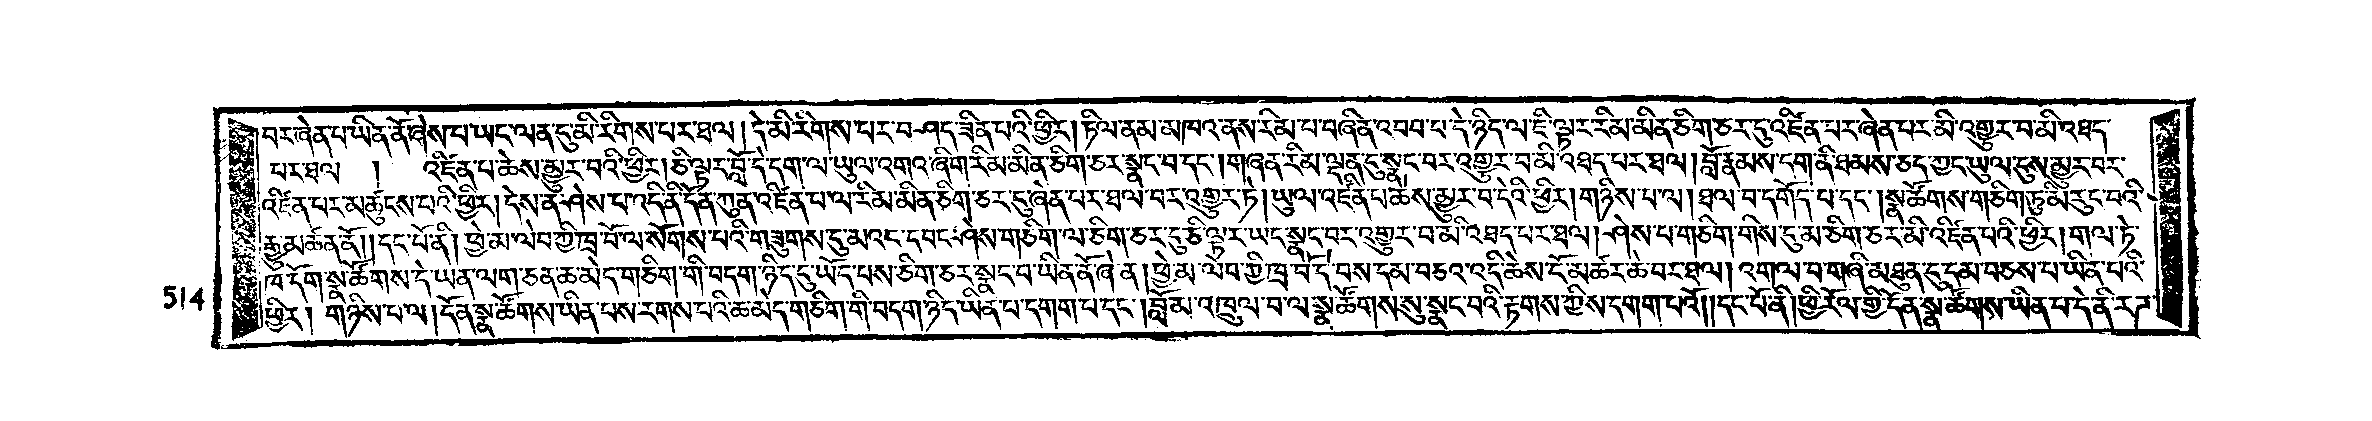བར་ཞེན་པ་ཡིན་ནོ་ཞེས་པ་ཡང་ལན་དུ་མི་རིགས་པར་ཐལ། དེ་མི་རིགས་པར་བཤད་ཟིན་པའི་ཕྱིར། ཏིལ་ནམ་མཁའ་ནས་རིམ་པ་བཞིན་འབབ་པ་དེ་ཉིད་ལ་ཇི་ལྟར་རིམ་མིན་ཅིག་ཅར་དུ་འཛིན་པར་ཞེན་པར་མི་འགྱུར་བ་མི་འཐད་
པར་ཐལ་། འཛིན་པ་ཆེས་མྱུར་བའི་ཕྱིར། ཅི་ལྟར་བློ་དེ་དག་ལ་ཡུལ་འགའ་ཞིག་རིམ་མིན་ཅིག་ཅར་སྣང་བ་དང་། གཞན་རིམ་ལྡན་དུ་སྣང་བར་འགྱུར་བ་མི་འཐད་པར་ཐལ། བློ་རྣམས་དག་ནི་ཐམས་ཅད་ཀྱང་ཡུལ་དུས་མྱུར་བར་
འཛིན་པར་མཚུངས་པའི་ཕྱིར། དེས་ན་ཤེས་པ་འདི་ནི་དོན་ཀུན་འཛིན་པ་ལ་རིམ་མིན་ཅིག་ཅར་དུ་ཞེན་པར་ཐལ་བར་འགྱུར་ཏེ། ཡུལ་འཛིན་པ་ཆེས་མྱུར་བ་དེའི་ཕྱིར། གཉིས་པ་ལ། ཐལ་བ་དགོད་པ་དང་། སྣ་ཚོགས་གཅིག་ཏུ་མི་རུང་བའི་
རྒྱུ་མཚན་ནོ། །དང་པོ་ནི། ཕྱེ་མ་ལེབ་ཀྱི་ཁྲ་བོ་ལ་སོགས་པའི་གཟུགས་དུ་མའང་དབང་ཤེས་གཅིག་ལ་ཅིག་ཅར་དུ་ཅི་ལྟར་ཡང་སྣང་བར་འགྱུར་བ་མི་འཐད་པར་ཐལ། ཤེས་པ་གཅིག་གིས་དུ་མ་ཅིག་ཅར་མི་འཛིན་པའི་ཕྱིར། གལ་ཏེ་
ཁ་དོག་སྣ་ཚོགས་དེ་ཡན་ལག་ཅན་ཆ་མེད་གཅིག་གི་བདག་ཉིད་དུ་ཡོད་པས་ཅིག་ཅར་སྣང་བ་ཡིན་ནོ་ཞེ་ན། ཕྱེ་མ་ལེབ་ཀྱི་ཁྲ་བོ་དེ་བས་དམ་བཅའ་འདི་ཆེས་ངོ་མཚར་ཆེ་བར་ཐལ། འགལ་བ་གཞི་མཐུན་དུ་དམ་བཅས་པ་ཡིན་པའི་
ཕྱིར། གཉིས་པ་ལ། དོན་སྣ་ཚོགས་ཡིན་པས་རགས་པའི་ཆ་མེད་གཅིག་གི་བདག་ཉིད་ཡིན་པ་དགག་པ་དང་། བློ་མ་འཁྲུལ་བ་ལ་སྣ་ཚོགས་སུ་སྣང་བའི་རྟགས་ཀྱིས་དགག་པའོ། །དང་པོ་ནི། ཕྱི་རོལ་གྱི་དོན་སྣ་ཚོགས་ཡིན་པ་དེ་ན་?་རིཌ་